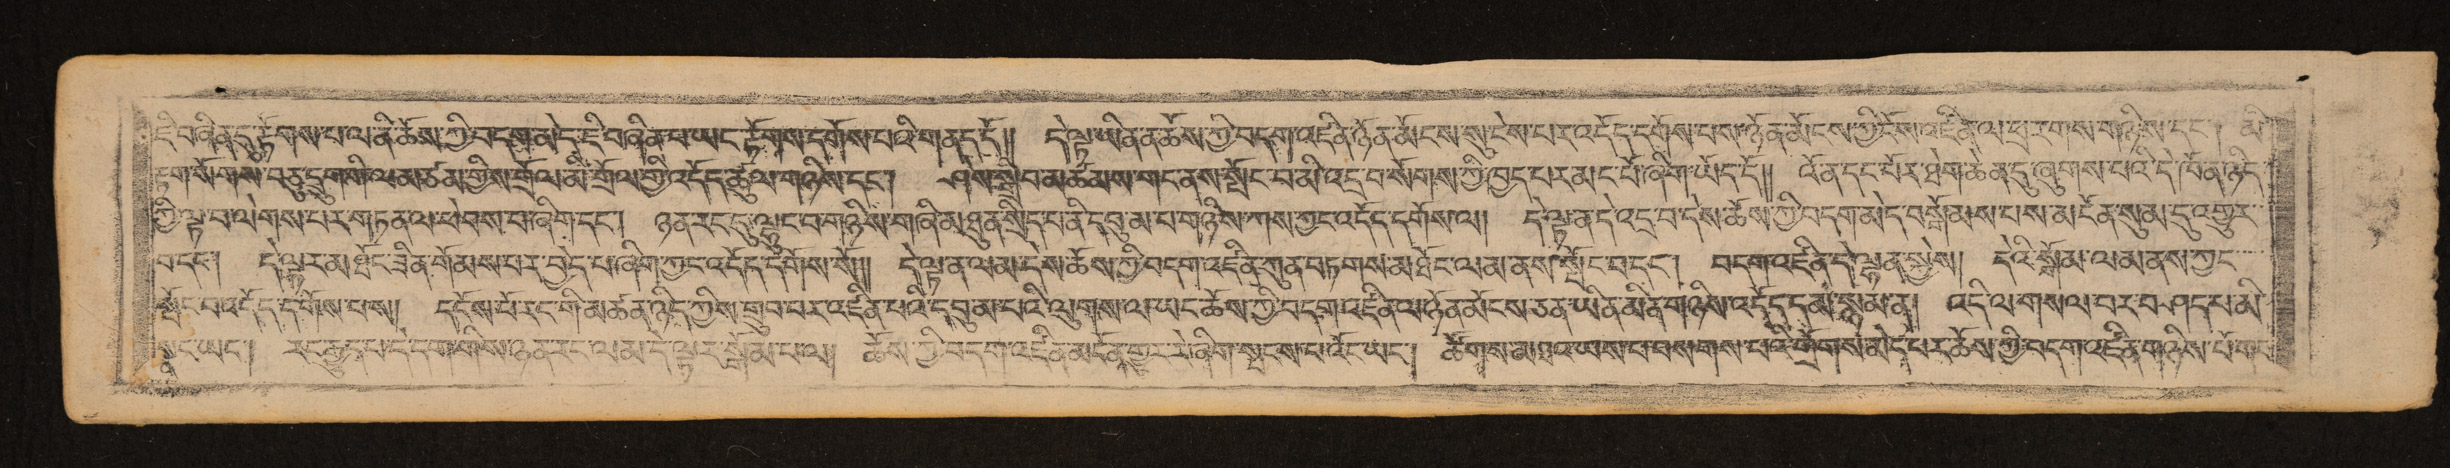ཇི་བཞིན་དུ་རྟོགས་པ་ལ་ནི་ཆོས་ཀྱི་བདག་མེད་ཇི་བཞིན་པ་ཡང་རྟོགས་དགོས་པའི་གནད་དོ།། དེ་ལྟ་ཡིན་ན་ཆོས་ཀྱི་བདག་འཛིན་ཉོན་མོངས་སུ་ངེས་པར་འདོད་དགོས་པས་ཉོན་མོངས་ཀྱི་ངོས་འཛིན་ལ་ཕྲ་རགས་གཉིས་དང་། མི་
རྟག་སོགས་བཅུ་དྲུག་གི་ལམ་ཙམ་གྱིས་གྲོལ་མི་གྲོལ་གྱི་འདོད་ཚུལ་གཉིས་དང་། ཤེས་སྒྲིབ་མཚམས་གང་ནས་སྤོང་བ་མི་འདྲ་བ་སོགས་ཀྱི་ཁྱད་པར་མང་པོ་ཞིག་ཡོད་དོ།། འོ་ན་དང་པོར་ཐེག་ཆེན་དུ་ཞུགས་པའི་དེ་ཁོ་ན་ཉིད་
ཀྱི་ལྟ་བ་ལེགས་པར་གཏན་ལ་ཕེབས་པ་ཞིག་དང་། ཉན་རང་དུ་ལྷུང་བ་གཉིས་གཞི་མཐུན་སྲིད་པ་ནི་དབུ་མ་པ་གཉིས་ཀས་ཀྱང་འདོད་དགོས་ལ། དེ་ལྟ་ན་དེ་འདྲ་བ་དེས་ཆོས་ཀྱི་བདག་མེད་བསྒོམས་པས་མངོན་སུམ་དུ་འགྱུར་
བ་དང་། དེ་ལྟར་མཐོང་ཟིན་གོམས་པར་བྱེད་པ་ཞིག་ཀྱང་འདོད་དགོས་སོ།། དེ་ལྟ་ན་ལམ་དེས་ཆོས་ཀྱི་བདག་འཛིན་ཀུན་བརྟགས་མཐོང་ལམ་ནས་སྤོང་བ་དང་། བདག་འཛིན་དེ་ལྷན་སྐྱེས། དེའི་སྒོམ་ལམ་ནས་ཀྱང་
སྤོང་བ་འདོད་དགོས་པས། དངོས་པོ་རང་གི་མཚན་ཉིད་ཀྱིས་གྲུབ་པར་འཛིན་པའི་དབུ་མ་པའི་ལུགས་ལ་ཡང་ཆོས་ཀྱི་བདག་འཛིན་ལ་ཉོན་མོངས་ཅན་ཡིན་མིན་གཉིས་འདོད་དམ་སྙམ་ན། འདི་ལ་གསལ་བར་བཤད་པ་མི་
སྣང་ཡང་། རང་རྒྱུད་པ་དེ་དག་གིས་ཉན་རང་ལམ་དེ་ལྟར་སྒོམ་པ་ལ། ཆོས་ཀྱི་བདག་འཛིན་མངོན་གྱུར་རེ་ཞིག་སྤངས་པ་འོང་ཡང་། ཚོགས་མཐའ་ཡས་པ་བསགས་པའི་གྲོགས་མེད་པར་ཆོས་ཀྱི་བདག་འཛིན་གཉིས་པོ་གང་